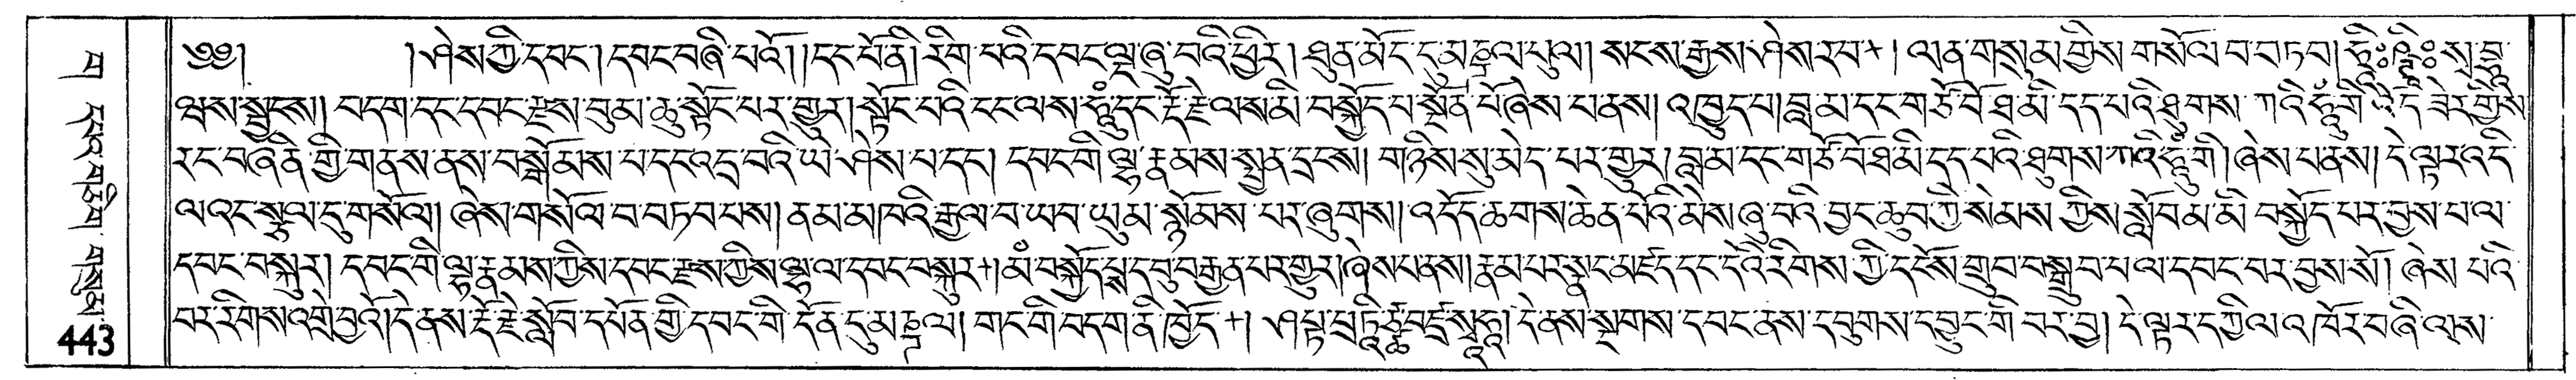༄༅། །ཤེས་ཀྱི་དབང་། དབང་བཞི་པའོ། །དང་པོ་ནི། རིག་པའི་དབང་ལྔ་ཞུ་བའི་ཕྱིར། ཐུན་མོང་དུ་མཎྜལ་ཕུལ། སངས་རྒྱས་ཤེས་རབ་྾། ལན་གསུམ་གྱིས་གསོལ་བ་བཏབ། ཧྲཱིཿ ཥྚྲཱིཿ སྭ་བྷཱ་
ཝས་སྦྱངས། བདག་དང་དབང་རྫས་བུམ་ཆུ་སྟོང་པར་གྱུར། སྟོང་པའི་ངང་ལས་ཧཱུཾ་དང་རྡོ་རྗེ་ལས་མི་བསྐྱོད་པ་སྔོན་པོ་ཞེས་པ་ནས། འཁྱུད་པ། བླ་མ་དང་གཙོ་བོ་ཐ་མི་དད་པའི་ཐུགས་ཀའི་ཧཱུཾ་གི་འོད་ཟེར་གྱིས་
རང་བཞིན་གྱི་གནས་ནས་བསྒོམས་པ་དང་འདྲ་བའི་ཡེ་ཤེས་པ་དང་། དབང་གི་ལྷ་རྣམས་སྤྱན་དྲངས། གཉིས་སུ་མེད་པར་གྱུར། བླ་མ་དང་གཙོ་བོ་ཐ་མི་དད་པའི་ཐུགས་ཀའི་ཧཱུཾ་གི །ཞེས་པ་ནས། དེ་ལྟར་འདི་
ལའང་སྩལ་དུ་གསོལ། ཞེས་གསོལ་བ་བཏབ་པས། ནམ་མཁའི་རྒྱལ་བ་ཡབ་ཡུམ་སྙོམས་པར་ཞུགས། འདོད་ཆགས་ཆེན་པོའི་མེས་ཞུ་བའི་བྱང་ཆུབ་ཀྱི་སེམས་ཀྱིས་སློབ་མ་མི་བསྐྱོད་པར་བྱས་པ་ལ་
དབང་བསྐུར། དབང་གི་ལྷ་རྣམས་ཀྱིས་དབང་རྫས་ཀྱིས་ལྷ་ལ་དབང་བསྐུར་྾། མཾ་བསྐྱོད་པས་དབུ་བརྒྱན་པར་གྱུར། ཞེས་པ་ནས། རྣམ་པར་སྣང་མཛད་དང་དེའི་རིགས་ཀྱི་དངོས་གྲུབ་བསྒྲུབ་པ་ལ་དབང་བར་བྱས་སོ། ཞེས་པའི་
བར་རིགས་འགྲེ་བྱའོ། དེ་ནས་རྡོ་རྗེ་སློབ་དཔོན་གྱི་དབང་གི་དོན་དུ་མཎྜལ། གང་གི་བདག་ནི་ཁྱོད་྾། ཤཔྟ་པྲཏཱི་ཙྪ་བཛྲ་སྭཱཧཱ། དེ་ནས་སྔགས་དབང་ནས་དབུགས་དབྱུང་གི་བར་བྱ། དེ་ལྟར་དཀྱིལ་འཁོར་བཞི་ལས་